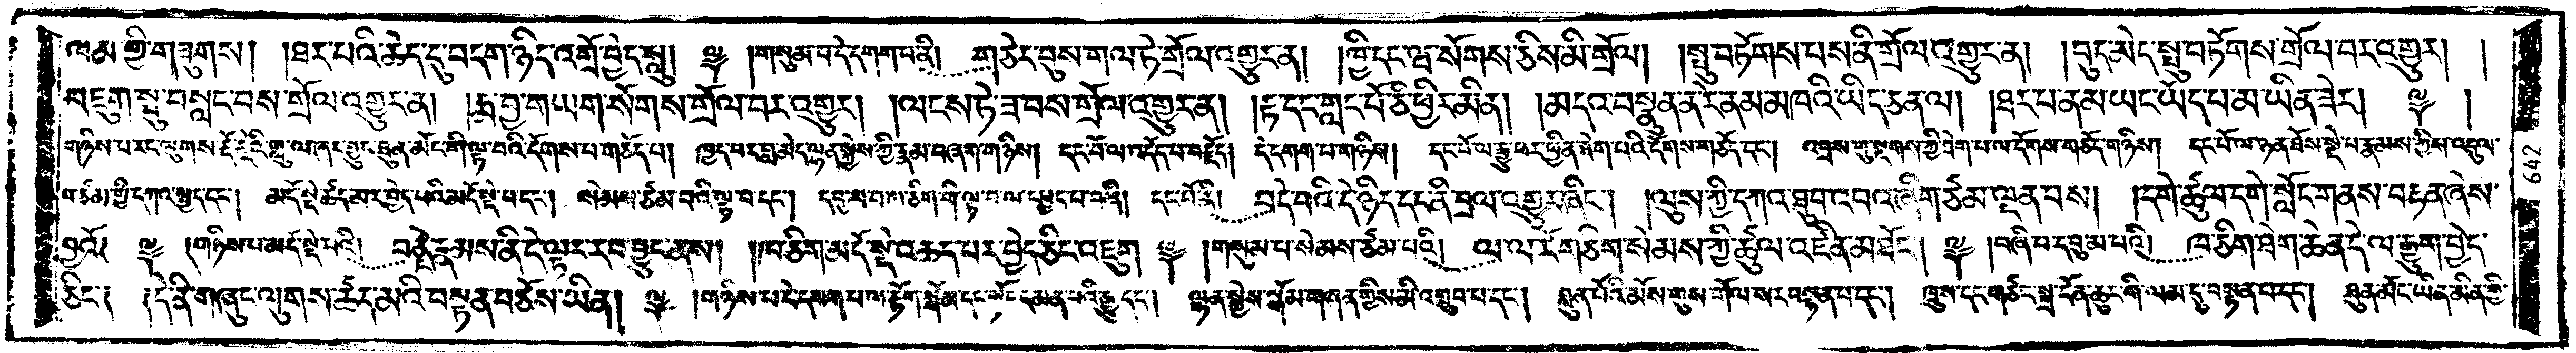ལམ་གྱི་གཟུགས། །ཐར་པའི་ཆེད་དུ་བདག་ཉིད་འགྲོ་བྱེད་སླུ། ༈ །གསུམ་པ་དེ་དགག་པ་ནི། གཅེར་བུས་གལ་ཏེ་གྲོལ་འགྱུར་ན། །ཁྱི་དར་ཝ་སོགས་ཅིས་མི་གྲོལ། །སྤུ་བཏོགས་པས་ནི་གྲོལ་འགྱུར་ན། །བུད་མེད་སྤུ་བཏོགས་གྲོལ་བར་འགྱུར། །
མཇུག་སྤུ་བསླང་བས་གྲོལ་འགྱུར་ན། །རྨ་བྱ་གཡག་སོགས་གྲོལ་བར་འགྱུར། །ལངས་ཏེ་ཟ་བས་གྲོལ་འགྱུར་ན། །རྟ་དང་གླང་པོ་ཅི་ཕྱིར་མིན། །མདའ་བསྣུན་ནེར་ནམ་མཁའི་ཡིད་ཅན་ལ། །ཐར་པ་ནམ་ཡང་ཡོད་པ་མ་ཡིན་ཟེར། ༈ །
གཉིས་པ་རང་ལུགས་རྡོ་རྗེའི་གླུ་ལ་ཞར་བྱུང་ཐུན་མོང་གི་ལྟ་བའི་དོགས་པ་གཅོད་པ། ཁྱད་པར་བླ་མེད་ལྷན་སྐྱེས་ཀྱི་རྣམ་བཞག་གཉིས། དང་པོ་ལ་འདོད་པ་བརྗོད། དེ་དགག་པ་གཉིས། དང་པོ་ལ་རྒྱུ་ཕར་ཕྱིན་ཐེག་པའི་དོགས་གཅོད་དང་། འབྲས་བུ་སྔགས་ཀྱི་ཐེག་པ་ལ་དོགས་གཅོད་གཉིས། དང་པོ་ལ་ཉན་ཐོས་སྡེ་པ་རྣམས་ཀྱིས་འདུལ་
བ་ཙམ་གྱི་དཀའ་སྤྱད་དང་། མདོ་སྡེ་ཚད་མར་བྱེད་པའི་མདོ་སྡེ་པ་དང་། སེམས་ཙམ་པའི་ལྟ་བ་དང་། དབུ་མ་བ་ཁ་ཅིག་གི་ལྟ་བ་ལ་དཔྱད་བ་བཞི། དང་པོ་ནི། བདེ་བའི་དེ་ཉིད་དང་ནི་བྲལ་འགྱུར་ཞིང་། །ལུས་ཀྱི་དཀའ་ཐུབ་འབའ་ཞིག་ཙམ་ལྡན་པས། །དགེ་ཚུལ་དགེ་སློང་གནས་བརྟན་ཞེས་
བྱའོ༑ ༈ ༑གཉིས་པ་མདོ་སྡེ་པའི། བནྡེ་རྣམས་ནི་དེ་ལྟར་རབ་བྱུང་ནས། །ཁ་ཅིག་མདོ་སྡེ་འཆད་པར་བྱེད་ཅིང་འཇུག ༈ །གསུམ་པ་སེམས་ཙམ་པའི། ལ་ལ་རོ་གཅིག་སེམས་ཀྱི་ཚུལ་འཛིན་མཐོང་། ༈ །བཞི་པ་དབུ་མ་པའི། ཁ་ཅིག་ཐེག་ཆེན་དེ་ལ་རྒྱུག་བྱེད་
ཅིང༑ ༑དེ་ནི་གཞུང་ལུགས་ཚད་མའི་བསྟན་བཅོས་ཡིན། ༈ །གཉིས་པ་དེ་དགག་པ་ལ་རྟོག་སྒོམ་དང་སྟོད་དམན་པའི་རྒྱུ་དང་། ལྷན་སྐྱེས་སྒོམ་གཞན་གྱིས་མི་འགྲུབ་པ་དང་། བླུན་པོའི་མོས་གུས་གོ་ལ་སར་བསྟན་པ་དང་། ཁྲུས་དང་གཙང་སྦྲ་དོན་ཆུང་གི་ལམ་དུ་བསྟན་པ་དང་། ཐུན་མོང་ཡིན་མིན་གྱི་